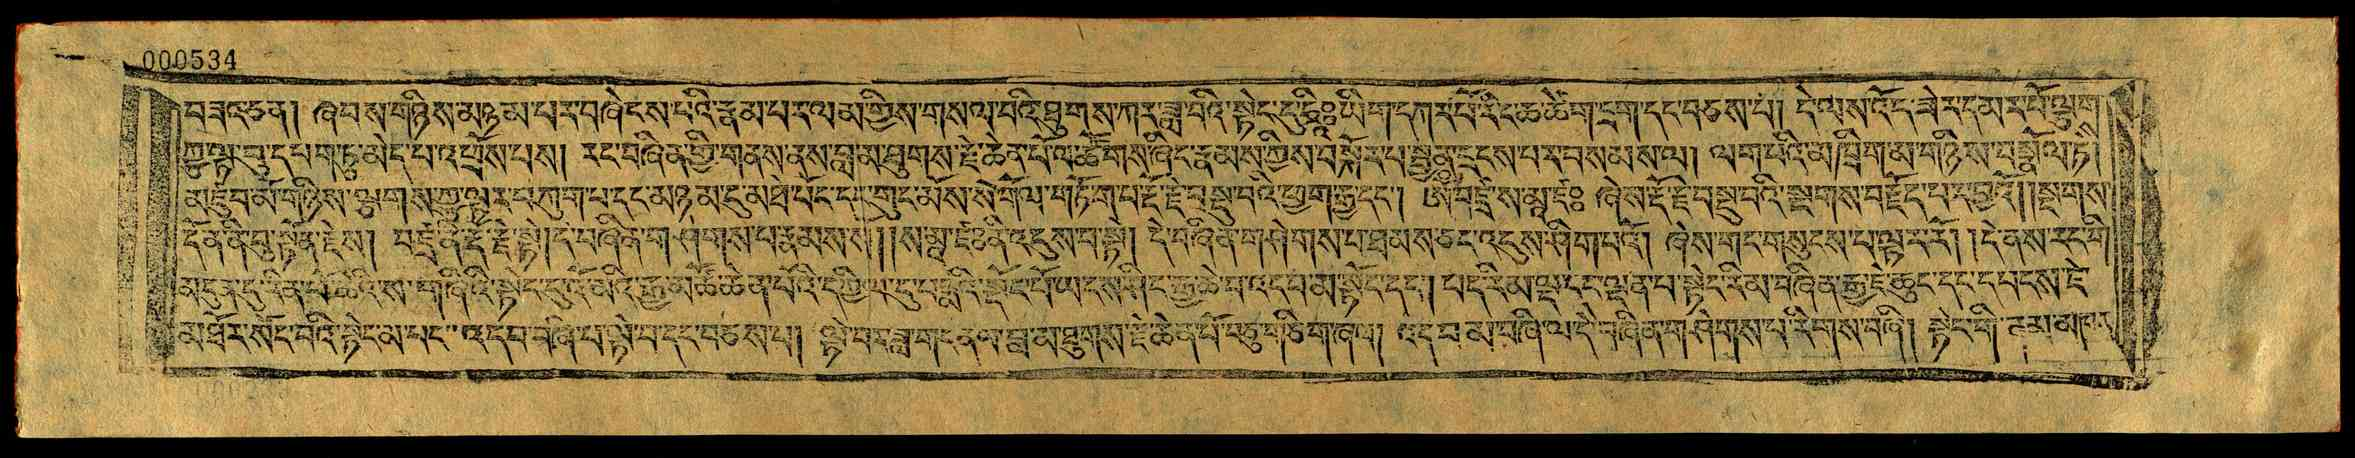བཟའ་ཅན། ཞབས་གཉིས་མཉམ་པར་བཞེངས་པའི་རྣམ་པར་ལམ་གྱིས་གསལ་བའི་ཐུགས་ཀར་ཟླ་བའི་སྟེང་དུ་ཧྲཱིཿ ཡིག་དཀར་པོ་རིང་ཆ་ཚེག་དྲག་དང་བཅས་པ། དེ་ལས་འོད་ཟེར་དམར་པོ་ལྕགས་
ཀྱུ་ལྟ་བུ་དཔག་ཏུ་མེད་པ་འཕྲོས་པས། རང་བཞིན་གྱི་གནས་ནས་བླ་མ་ཐུགས་རྗེ་ཆེན་པོ་ལ་ཚོགས་ཞིང་རྣམས་ཀྱིས་བསྐོར་བ་སྤྱན་དྲངས་པར་བསམས་ལ། ལག་པའི་མཁྲིག་མ་གཉིས་བསྣོལ་ཏེ།
མཛུབ་མོ་གཉིས་ལྕགས་ཀྱུ་ལྟར་བཀུག་པ་དང་མཉམ་དུ་མཐེ་བོང་དང་གུང་མོས་སེ་གོལ་གཏོག་པ་རྡོ་རྗེ་བསྡུ་པའི་ཕྱག་རྒྱ་དང་། ཨོཾ་བཛྲ་ས་མཱ་ཛཿ ཞེས་རྡོ་རྗེ་བསྡུ་བའི་སྔགས་བརྗོད་པར་བའོ། །སྔགས་
དོན་ནི་བུ་སྟོན་རྗེས། བཛྲ་ནི་རྡོ་རྗེ་སྟེ། དེ་བཞིན་གཤེགས་པ་རྣམས་སོ། །ས་མཱ་ཛཿ ནི་འདུས་པ་སྟེ། དེ་བཞིན་གཤེགས་པ་ཐམས་ཅད་འདུས་ཤིག་པའོ། ཞེས་གང་གསུངས་པ་ལྟར་རོ། །དེ་ནས་རང་གི་
མདུན་དུ་རིན་པོ་ཆེའི་ས་གཞིའི་སྟེང་དུ་འོ་མའི་རྒྱ་མཚོ་ཆེན་པོའི་དཀྱིལ་པུ་པདམའི་སྡོང་པོ་ཡངས་ཤིང་རྒྱ་ཆེ་བ་འདབ་མ་སྟོང་དང་། པད་རིམ་ལྔ་དང་ལྡན་པ་སྟེང་རིམ་བཞིན་རྒྱ་ཇེ་ཆུང་དང་དཔངས་ཇེ་
མཐོར་སེད་པའི་སྟེང་མ་པད་འདབ་བཞི་པ་ལྟེ་བ་དང་བཅས་པ། ལྟེ་བར་ཟླ་གདན་ལ་བླ་མ་ཐུགས་རྗེ་ཆེན་པོ་བཅུ་གཅིག་ཞལ། འདབ་མ་བཞི་ལ་དེ་བཞིན་གཤེགས་པ་རིགས་བཞི། སྟེང་གི་ནམ་མཁར་